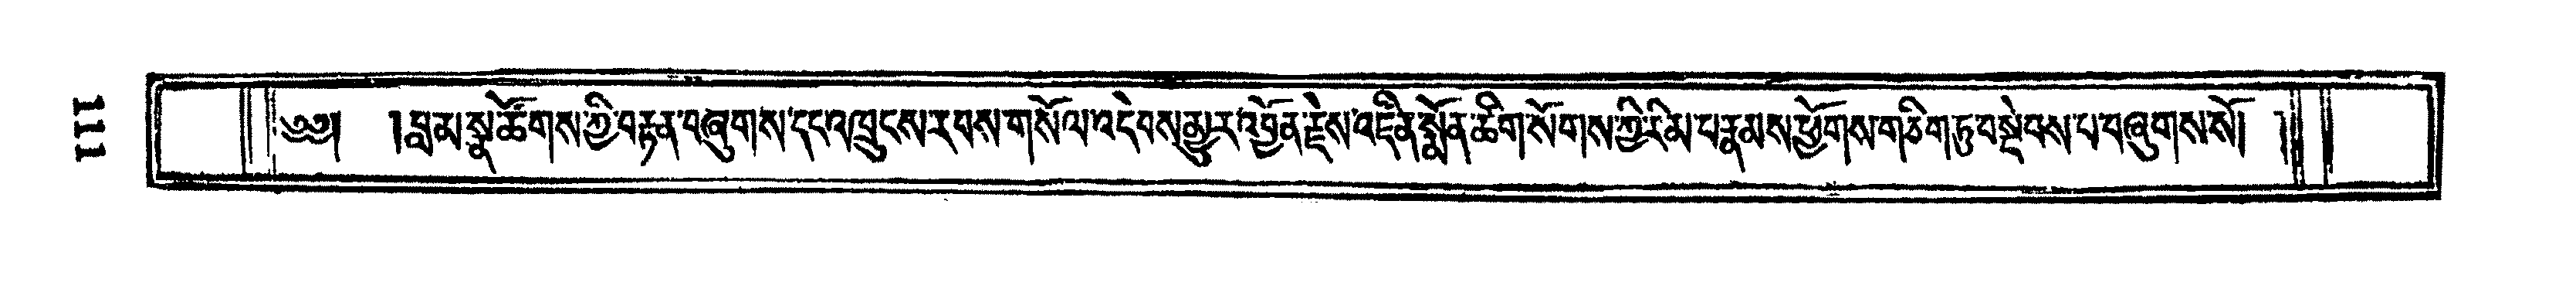༄༅། །བླ་མ་སྣ་ཚོགས་ཀྱི་བརྟན་བཞུགས་དང་འཁྲུངས་རབས་གསོལ་འདེབས་མྱུར་འབྱོན་རྗེས་འཛིན་སྨོན་ཚིག་སོགས་ཀྱི་རིམ་པ་རྣམས་ཕྱོགས་གཅིག་ཏུ་བསྡེབས་པ་བཞུགས་སོ། །